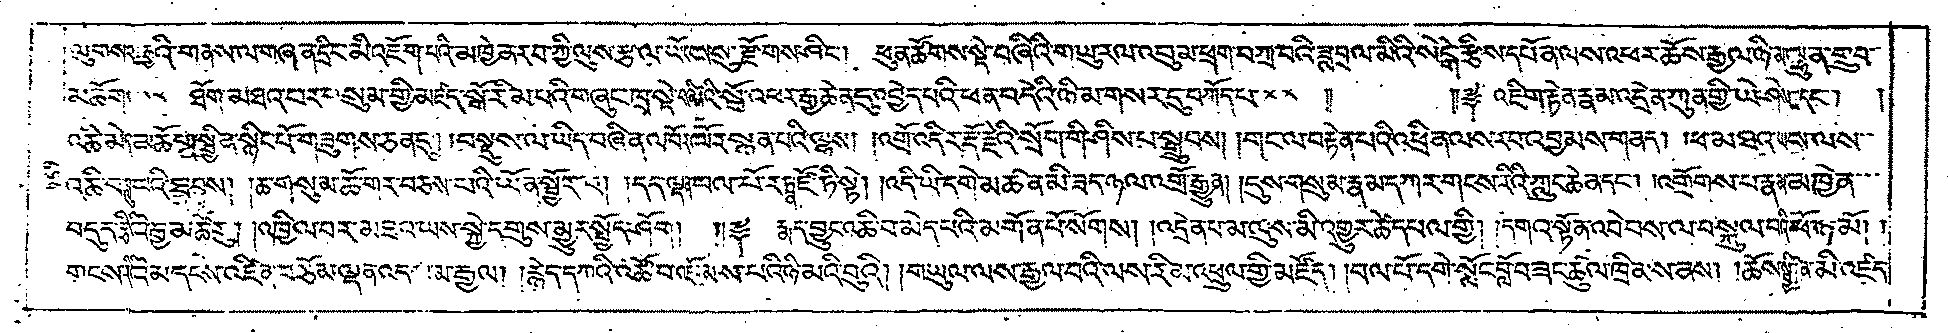ལུགས་བརྒྱའི་གནས་ལ་གཞན་དྲིང་མི་འཇོག་པའི་མཁྱེན་རབ་ཀྱི་ལུས་རྩལ་ཡོངས་སུ་རྫོགས་ཤིང་། ཕུན་ཚོགས་སྡེ་བཞིའི་གཡུ་རལ་འབུམ་ཕྲག་བཀྲ་བའི་ཟླ་བྲལ་མིའི་སེངྒེ་རྩིས་དཔོན་ལས་འཕར་ཆོས་རྒྱལ་ཉི་མ་ལྷུན་གྲུབ་
མཆོག་྾་྾་྾་ཐོག་མཐའ་བར་གསུམ་གྱི་མཛད་སྒོ་རིམ་པའི་གཞུང་ཁྲ་སྡེ་བཞིའི་སྒོ་འཕར་རྒྱ་ཆེན་དུ་འབྱེད་པའི་ཕན་བདེའི་ཉི་མ་གསར་དུ་བཀོད་པ་྾་྾།། །། ༈ འཇིག་རྟེན་རྣམ་འདྲེན་ཀུན་གྱི་ཡེ་ཤེས་དང་། །
འཆི་མེད་མཆོག་སྦྱིན་སྙིང་པོ་གཟུགས་ཅན་དུ། །བསྡུས་ལ་ཡིད་བཞིན་འཁོར་ལོར་སྙན་པའི་ལྷས། །འགྲོ་འདིར་རྡོ་རྗེའི་སྲོག་གི་ཤིས་པ་སྒྲུབས། །གང་ལ་བརྟེན་པའི་འཕྲིན་ལས་རབ་འབྱམས་གནད། །ཕ་མཐའ་ཡས་ལས་
འཆི་བ་བླུ་བའི་ཐབས། །ཆ་གསུམ་ཆོ་གར་བཅས་པའི་ཡོན་སྦྱོར་བ། །དད་ལྡན་བལ་པོ་རཏྣ་ཛོ་ཏི་སྟེ། །འདི་ཡི་དགེ་མཚན་མི་ཟད་ཉལ་འགྲོ་རྒྱུན། །དུས་གསུམ་རྣམ་དཀར་གངས་རིའི་ཀླུང་ཆེན་དང་། །འགྲོགས་པ་རྣམ་མཁྱེན་
ཕ༹བདུད་རྩིའི་རྒྱ་མཚོ་རུ། །འཁྱིལ་བར་མཐའ་ཡས་སྐྱེ་དགུས་མྱུར་སྤྱོད་ཤོག ། །། ༈ རྨད་བྱུང་འཆི་བ་མེད་པའི་མགོན་པོ་སོགས། །འདྲེན་པ་མ་ལུས་མི་འགྱུར་ཚེ་དཔལ་གྱི། །དགའ་སྟོན་འབེབས་ལ་བསྐུལ་བའི་ཕོ་ཉ་མོ། །
གངས་རིའི་མདངས་འཛིན་བཅོམ་ལྡན་འདས་མ་རྒྱལ། །རྙེད་དཀའི་འཚོ་བ་འཇོམས་པའི་ཉི་མའི་བུའི། །གཡུལ་ལས་རྒྱལ་བའི་ལས་རིམ་འཕྲུལ་གྱི་མཛོད། །བལ་པོ་དགེ་སློང་བློ་བཟང་ཚུལ་ཁྲིམས་ནས། །ཆོས་སྦྱིན་མི་འཛད་